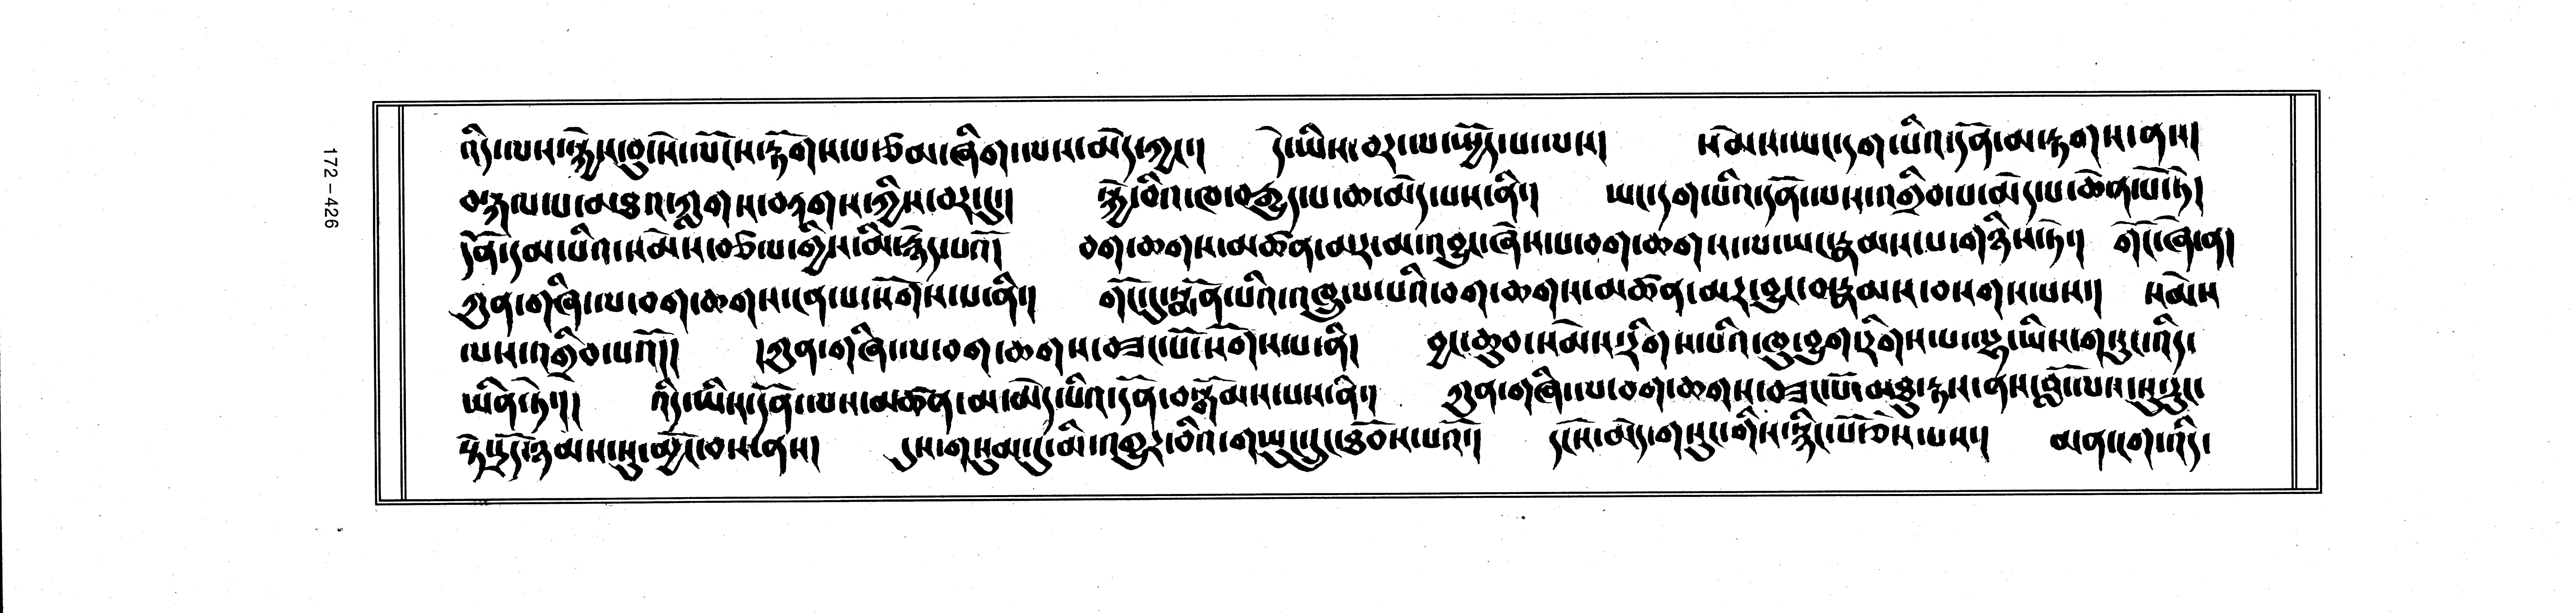འདི་ལས་སྐྱེས་བུ་སེ་ལོངས་རྟོགས་པ་ཙམ་ཞིག་ལས་མེད་ཀྱང་། དེ་ཡིས་བར་ལ་སྤྱོད་པ་ལས། སེམས་ཡང་དག་པའི་དོན་མ་བརྟགས་ནས། 
བསྐལ་པ་མཐའ་ཀླགས་བརྟགས་ཀྱིས་བར་དུ། སྐྱེ་བའི་ཁ་བརྒྱུད་པ་ཆ་མེད་པས་ནི། ཡང་དག་པའི་དོན་ལས་འགྲིབ་པ་མེད་པ་ཆེན་པོ་ཏེ། 
དོན་དམ་པའི་སེམས་བཙལ་གྱིས་མི་རྙེད་པའོ། བག་ཆགས་མཚན་མར་མ་འབྱུང་ཞེས་པ་བག་ཆགས་ལ་ཡང་རྣམ་པ་གཉིས་ཏེ། གོང་ཞེ་ན། 
ཀུན་གཞི་ལ་བག་ཆགས་ངན་པ་སོགས་པ་ནི། གོང་དུ་སྨོན་པའི་འཁྲུལ་པའི་བག་ཆགས་མཚན་མར་བྱུང་བ་རྣམས་བསགས་པས། སེམས་
ལས་འགྲིབ་པའོ། ཀུན་གཞི་ལ་བག་ཆགས་བཟང་པོ་སོགས་པ་ནི། བྱང་ཆུབ་སེམས་རིག་པའི་ཁུ་བྱུག་རིགས་པ་ལྷ་ཡིས་གསུང་འདི་
ཡིན་ཏེ། འདི་ཡིས་དོན་ལས་མཚན་མ་མེད་པའི་དོན་བསྒོམས་པས་ནི། ཀུན་གཞི་ལ་བག་ཆགས་བཟང་པོ་མཐུ་རྟས་ནས་བློ་ལས་སུ་རུང་
སྟེ་དྲོད་ཉམས་སུ་མྱོང་བས་ནས། དུས་གསུམ་དུ་མི་འགྱུར་བའི་གཡུང་དྲུང་ཐོབ་པའོ། དངོས་མེད་གསུང་གིས་སྙིང་པོ་ཅེས་པས། མན་ངག་འདི་